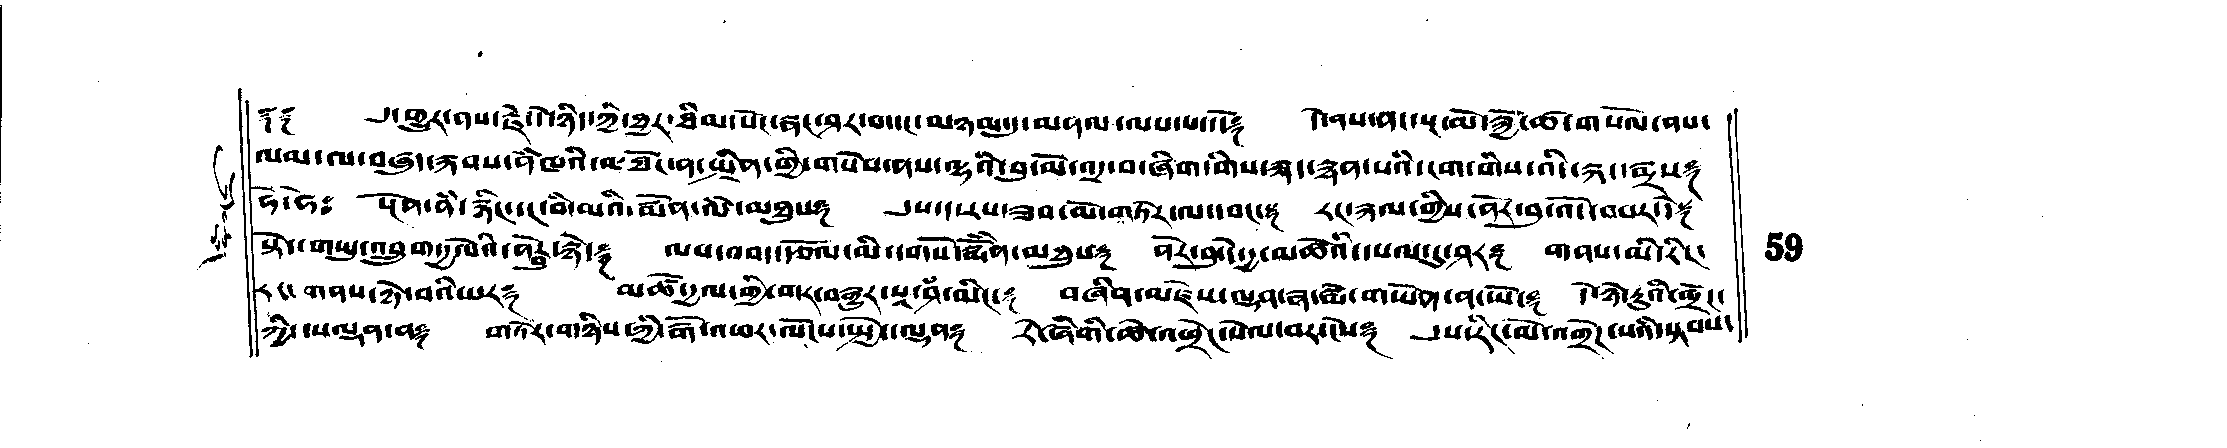དུ་གྱུར་ནས་རྗེ་དེ་ཉིད་ཀྱི་ཐུགས་ཀར་ཐིམ་སོང་སྣང་ཤར་བ་དང་མཉམ་དུ་མནལ་ལས་སད་དོ། དེ་ནས་ནངས་སྔ་མོ་སྐྱོ་ཚ་གསོལ་ནས་
ལམ་ལ་བཞུད་སྐབས་ནམ་མཁའི་མཐོང་ན་སྤྲིན་གྱི་གསེས་ནས་ལྷའི་བུ་མོ་འདྲ་བ་ཞིག་གིས་སྐད་སྙན་པའི་ངག་གིས་འདི་སྐད་སྨྲས། 
ཧོ་ཧོཿ སྔོན་ནམ་སྙིང་དང་བི་མའི་སྨོན་ལམ་མཐུས། །དུས་ད་རེས་ཟབ་མོ་གཏེར་ལ་དབང་། །རང་སྐལ་གྱི་ནོར་བུ་འོད་འབར་དེ། །
སྟོད་གཡུ་འབྲུག་རྒྱལ་པོའི་ནོར་བུ་རྙེད། །ལས་འབད་རྩོལ་མི་དགོས་སྨོན་ལམ་མཐུས། །ནོར་བུ་དེ་རྒྱ་མཚོའི་དཔལ་དུ་ཤར། །གནས་མི་རིང་
རང་གནས་ཉེ་བའི་སར། །མཚོ་རྒྱལ་གྱི་གར་བསྒྱུར་པཱ་ཤམ་མིང་། །བཞིན་མཛེས་ལྡན་སྣ་སྨེ་གཡོན་ན་ཡོད། །དེ་ཉེ་རྒྱུའི་གྲོགས་
ཀྱི་དཔལ་ལྡན་ན། །གཏེར་གཉིས་ཀྱི་སྒོ་འཕར་ལོངས་སྤྱོད་ལྡན། །རེ་ཞིག་གི་ཚེ་འཕྲེང་སེལ་བར་ངེས། །དུས་རིང་མོ་འགྲོགས་པའི་སྟབས་